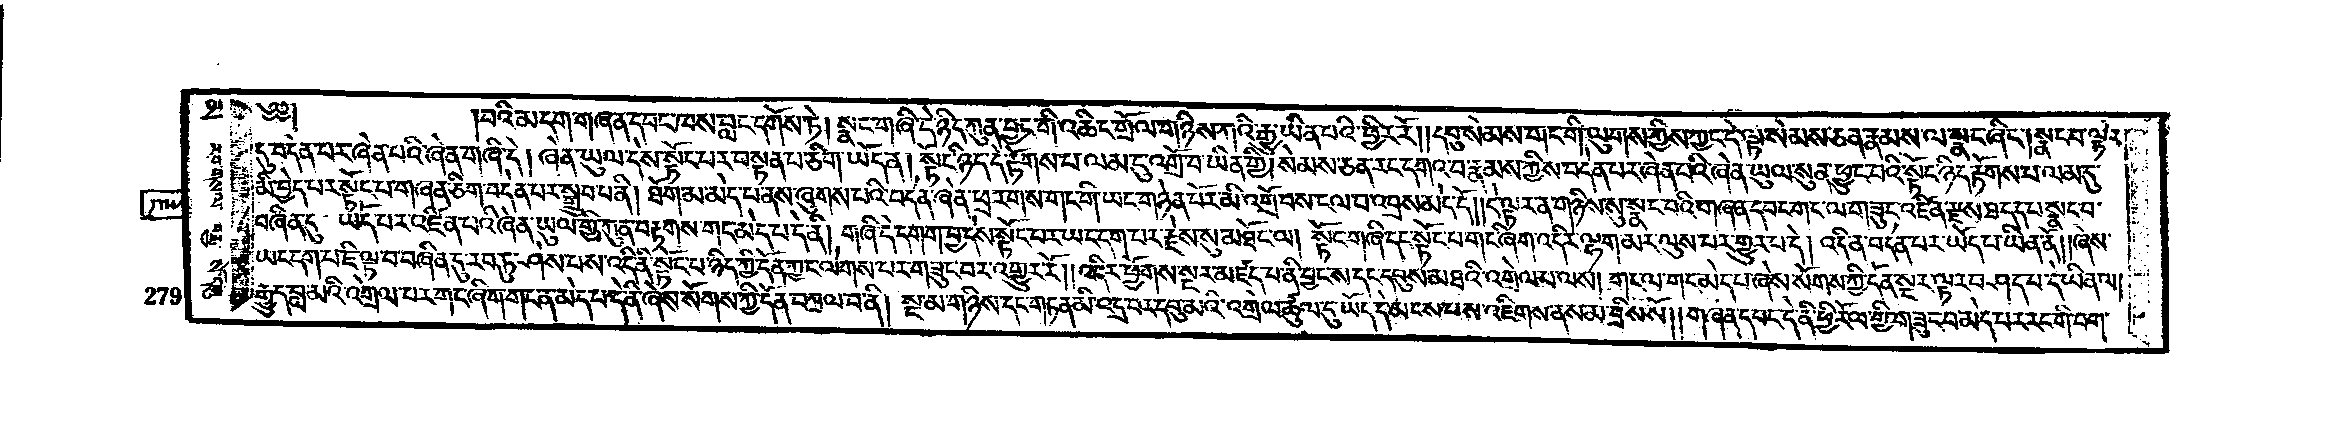༄༅། །བའི་མ་དག་གཞན་དབང་ཁས་བླང་དགོས་ཏེ། སྣང་གཞི་དེ་ཉིད་ཀུན་བྱང་གི་འཆིང་གྲོལ་གཉིས་ཀའི་རྒྱུ་ཡིན་པའི་ཕྱིར་རོ། །དབུ་སེམས་གང་གི་ལུགས་ཀྱིས་ཀྱང་དེ་ལྟ་སེམས་ཅན་རྣམས་ལ་སྣང་ཞིང་། སྣང་བ་ལྟར་
དུ་བདེན་པར་ཞེན་པའི་ཞེ་ན་གཞི་དེ། ཞེན་ཡུལ་དེས་སྟོང་པར་བསྟན་པ་ཅིག་ཡོད་ན། སྟོང་ཉིད་དེ་རྟོགས་པ་ལམ་དུ་འགྲོ་བ་ཡིན་གྱི། སེམས་ཅན་རང་དགའ་བ་རྣམས་ཀྱིས་བདེན་པར་ཞེན་པའི་ཞེན་ཡུལ་སུན་ཕྱུང་བའི་སྟོང་ཉིད་རྟོགས་པ་ལམ་དུ་
མི་བྱེད་པར་སྟོང་པ་གཞན་ཞིག་བདེན་པར་སྒྲུབ་པ་ནི། ཐོག་མ་མེད་པ་ནས་ཞུགས་པའི་བདེན་ཞེན་ཕྲ་རགས་གང་གི་ཡང་གཉེན་པོར་མི་འགྲོ་བས་ངལ་བ་འབྲས་མེད་དོ། །དེ་ལྟར་ན་གཉིས་སུ་སྣང་བའི་གཞན་དབང་གང་ལ་གཟུང་འཛིན་རྫས་ཐ་དད་པ་སྣང་བ་
བཞིན་དུ་ཡོད་པར་འཛིན་པའི་ཞེན་ཡུལ་གྱི་ཀུན་བརྟགས་གང་མེད་པ་དེ་ནི། གཞི་དེ་དགག་བྱ་དེས་སྟོང་པར་ཡང་དག་པར་རྗེས་སུ་མཐོང་ལ། སྟོང་གཞི་དང་སྟོང་པ་གང་ཞིག་འདིར་ལྷག་མར་ལུས་པར་གྱུར་པ་དེ། འདི་ན་བདེན་པར་ཡོད་པ་ཡིན་ནོ། །ཞེས་
ཡང་དག་པ་ཇི་ལྟ་བ་བཞིན་དུ་རབ་ཏུ་ཤེས་པས་འདི་ནི་སྟོང་པ་ཉིད་ཀྱི་དོན་ཀྱང་ལེགས་པར་གཟུང་བར་འགྱུར་རོ། །འདིར་ཕྱོགས་སྔར་མཛད་པ་ནི་བྱང་ས་དང་དབུས་མཐའི་འགྲེལ་པ་ལས། གང་ལ་གང་མེད་པ་ཞེས་སོགས་ཀྱི་དོན་སྔར་ལྟར་བཤད་པ་དེ་ཡིན་ལ།
རྒྱུད་བླ་མའི་འགྲེལ་པར་གང་ཞིག་གང་ན་མེད་པ་དེ་ནི་ཞེས་སོགས་ཀྱི་དོན་བཀྲལ་བ་ནི། སྔ་མ་གཉིས་དང་གཏན་མི་འདྲ་བར་དབུ་མའི་འགྲེལ་ཚུལ་དུ་ཡོད་དེ་མངས་པས་འཇིགས་ནས་མ་བྲིས་སོ། །གཞན་དབང་དེ་ནི་ཕྱི་རོལ་གྱི་གཟུང་བ་མེད་པར་རང་གི་བག་